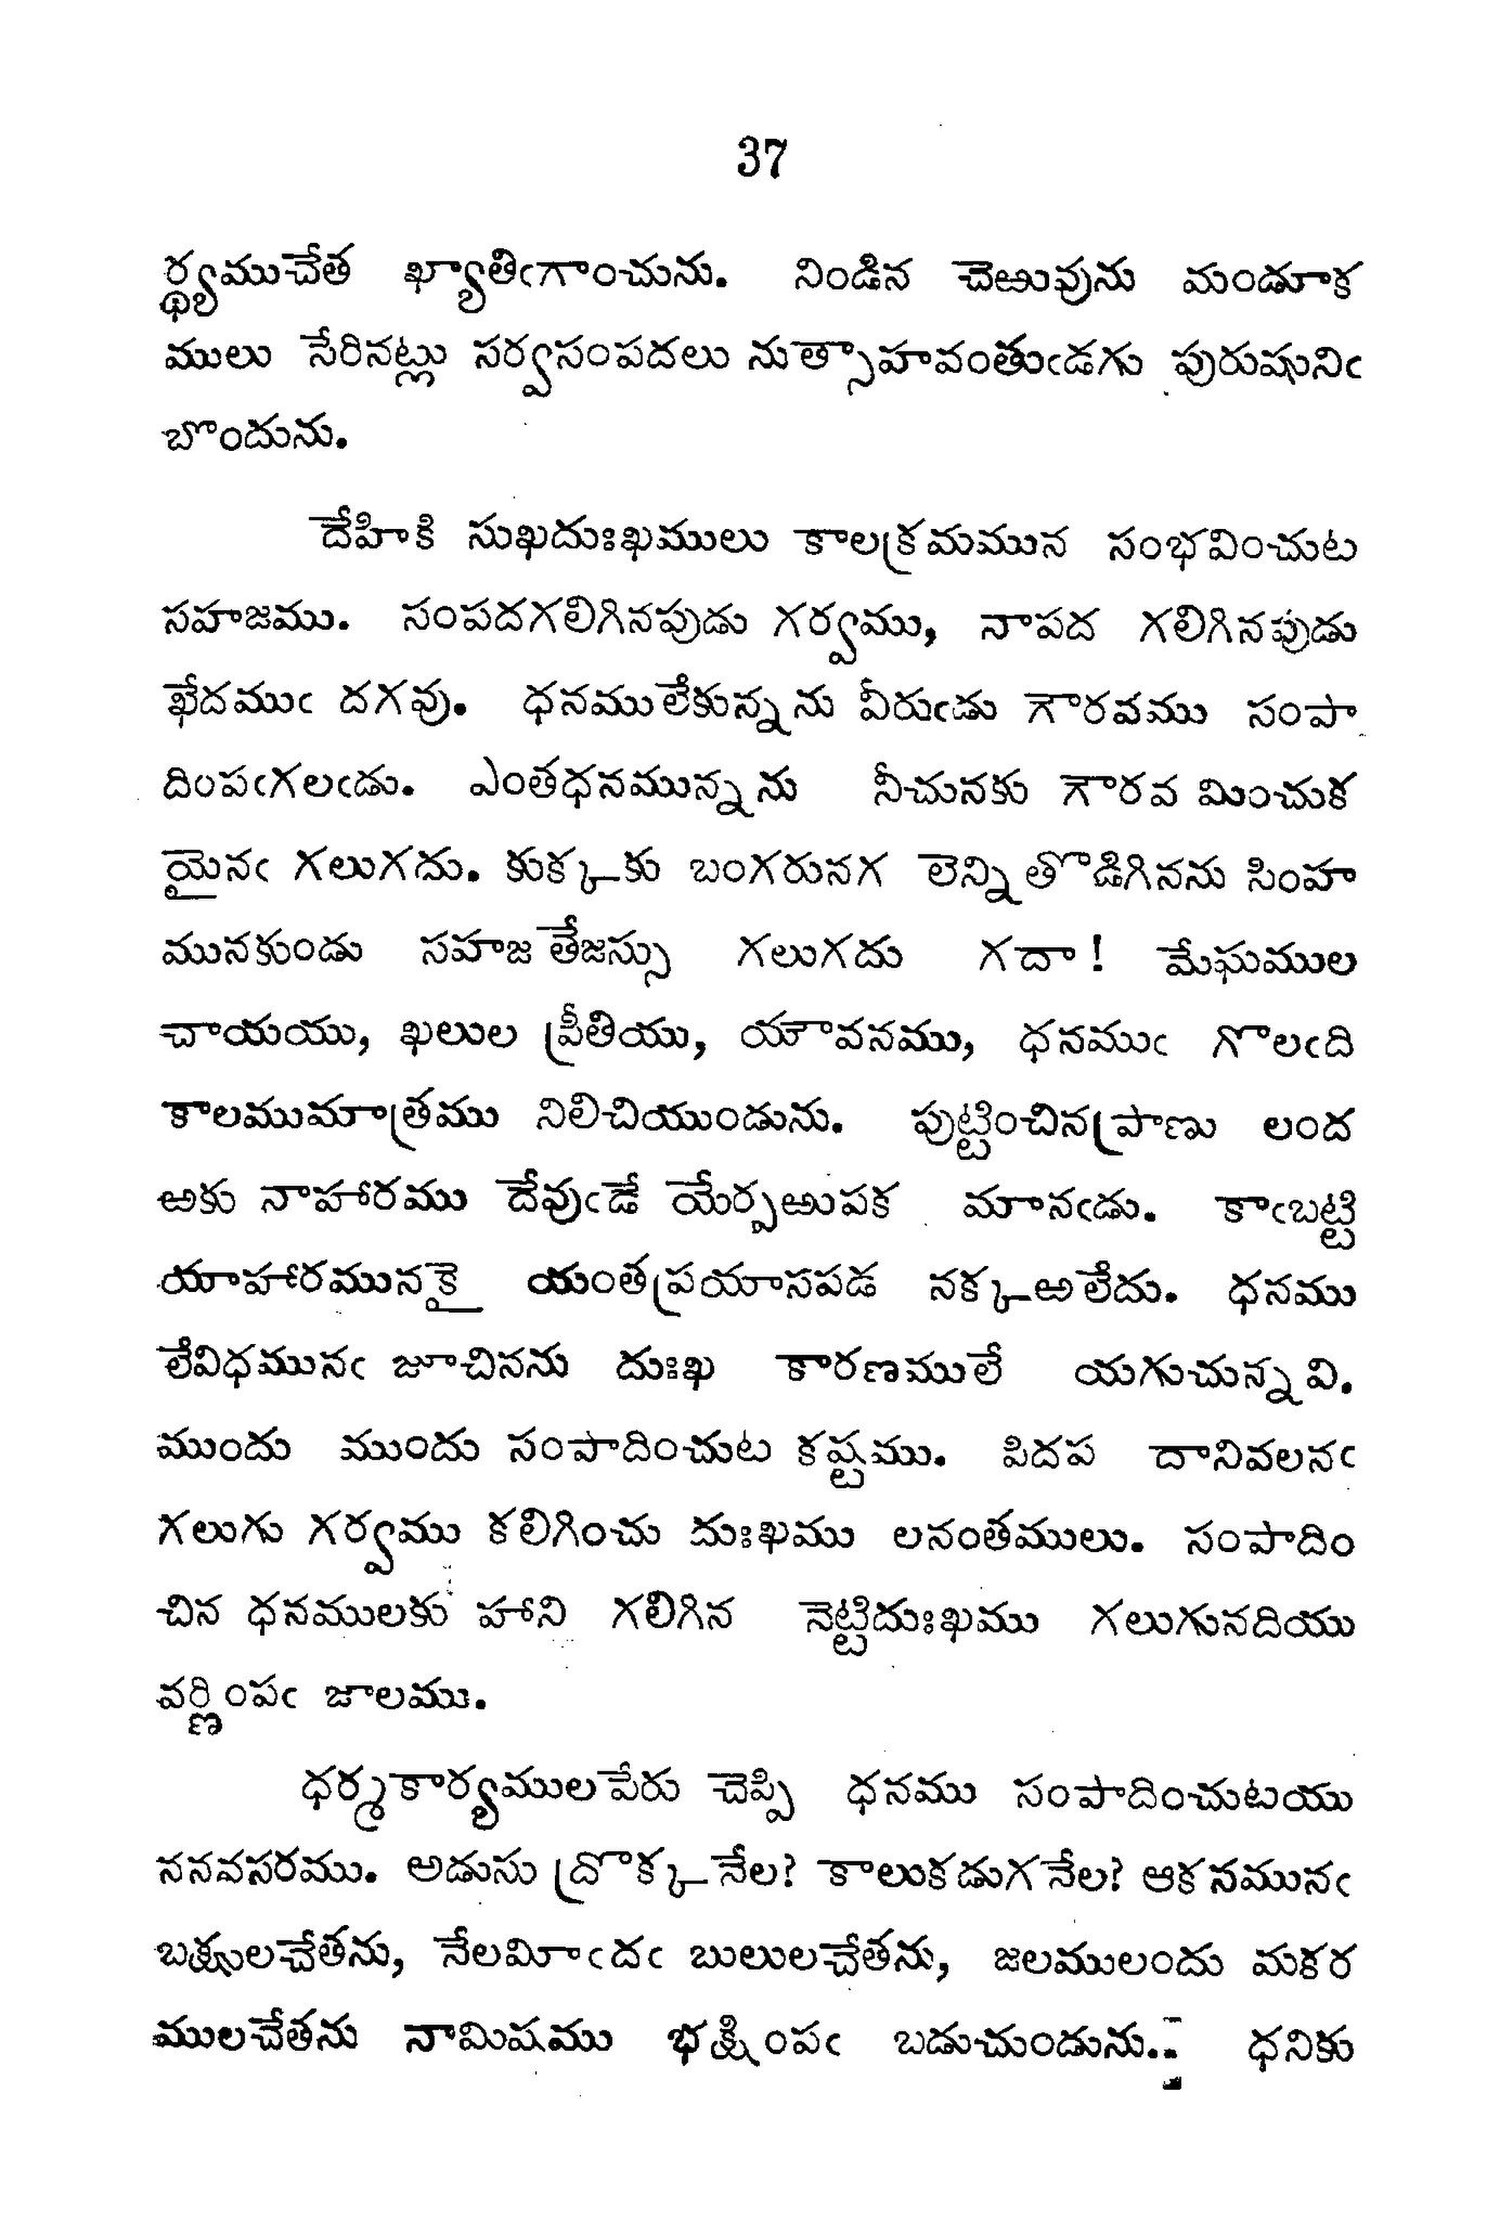ర్థ్యముచేత ఖ్యాతిగాంచును. నిండిన చెఱువును మండూకములు సేరినట్లు సర్వసంపదలు నుత్సాహవంతుడగు పురుషుని బొందును.

దేహికి సుఖదు:ఖములు కాలక్రమమున సంభవించుట సహజము. సంపదగలిగినపుడు గర్వము, నాపద గలిగినపుడు ఖేదము దగవు. ధనములేకున్నను వీరుడు గౌరవము సంపాదింపగలడు ఎంతధనమున్నను నీచునకు గౌరవ మించుకయైన గలుగదు. కుక్కకు బంగరునగ లెన్నితొడిగిననను సింహమునకుండు సహజతేజస్సు గలుగదు గదా! మేఘముల చాయము, ఖలుల ప్రీతియు, యౌవనము, ధనము గొలది కాలముమాత్రము నిలిచియుండును. పుట్టించినప్రాణు లందఱకు నాహారము దేవుడే యేర్పఱుపక మానడు. కాబట్టి యాహారమునకై యంతప్రయాసపడ నక్కఱలేదు. ధనము లేవిధమున జూచినను దు:ఖ కారణములే యగుచున్నవి. ముందు ముందు సంపాదించుట కష్టము. పిదప దానివలన గలుగు గర్వము కలిగించు దు:ఖము లనంతములు. సంపాదించిన ధనములకు హాని గలిగిన నెట్టిదు:ఖము గలుగునదియు వర్ణింప జాలము.

ధర్మకార్యములపేరు చెప్పి ధనము సంపాదించుటయు ననవసరము. అడుసు ద్రొక్కనేల? కాలుకడుగ నేల? ఆకసమున బక్షులచేతను, నేలమీద బులులచేతను, జలములందు మకరములచేతను నామిషము భక్షింప బడుచుండును. ధనికు